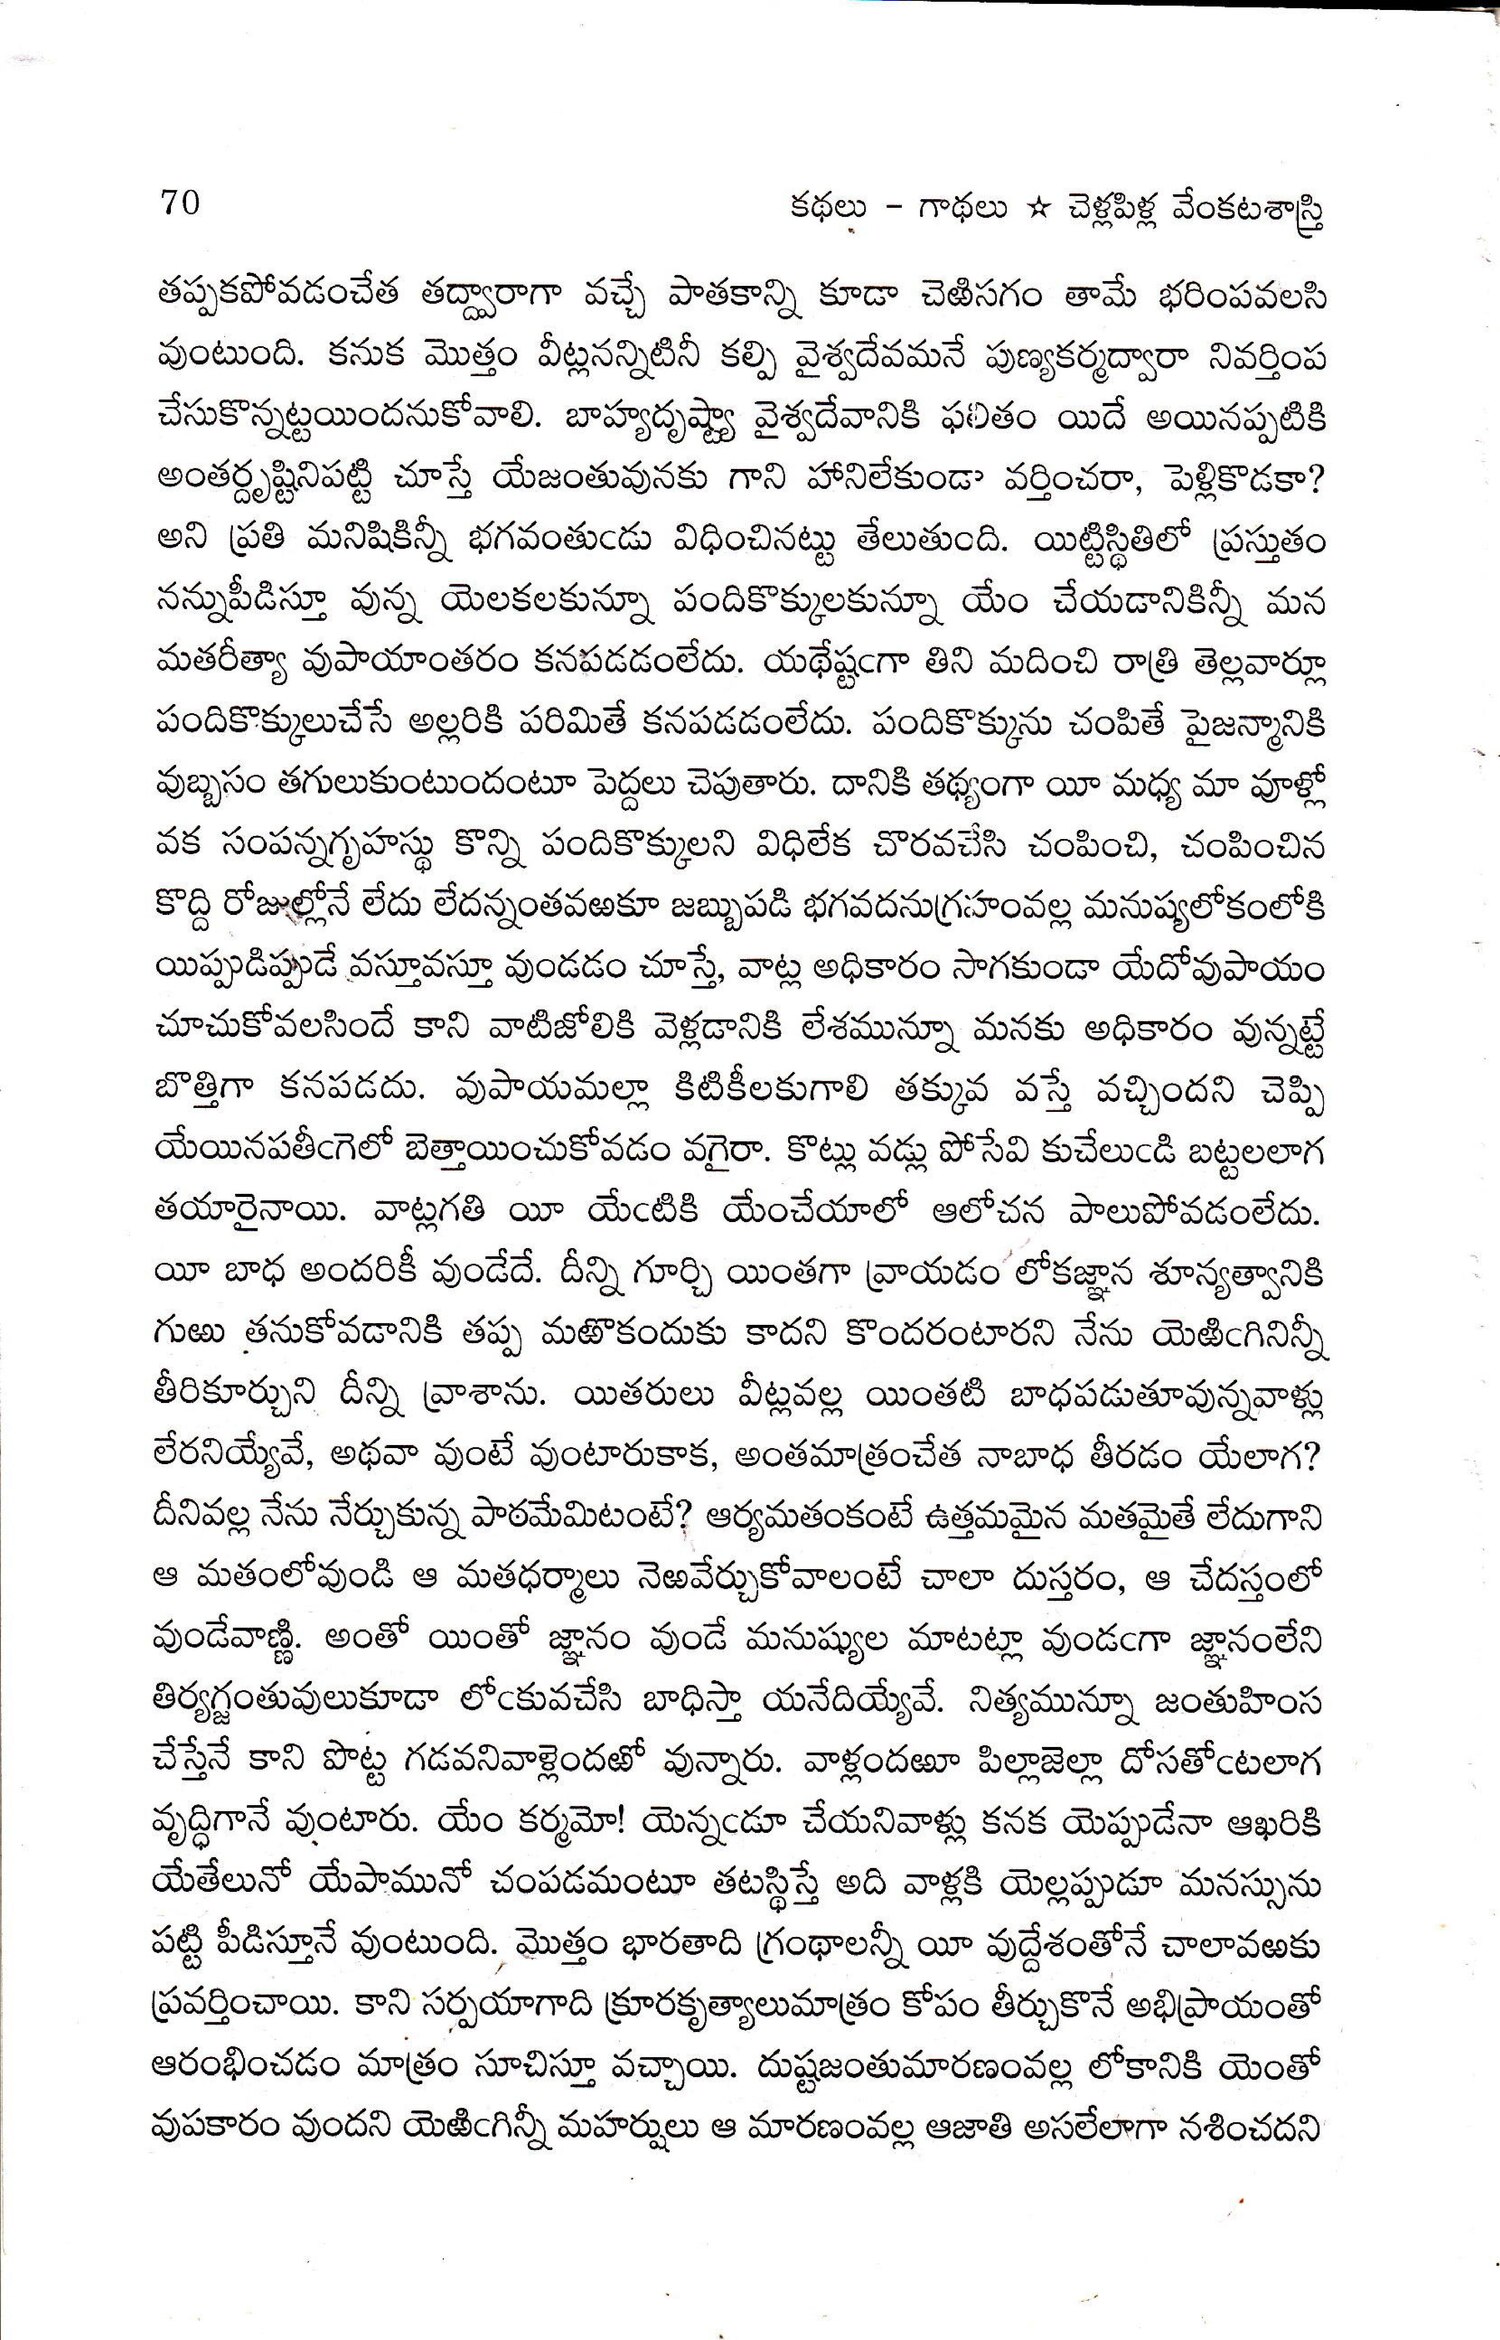తప్పకపోవడంచేత తద్ద్వారాగా వచ్చే పాతకాన్ని కూడా చెటిసగం తామే భరింపవలసి వుంటుంది. కనుక మొత్తం వీట్లనన్నిటినీ కల్పి వైశ్వదేవమనే పుణ్యకర్మద్వారా నివర్తింప చేసుకొన్నట్టయిందనుకోవాలి. బాహ్యదృష్ట్యా వైశ్వదేవానికి ఫలితం యిదే అయినప్పటికి అంతర్దృష్టినిపట్టి చూస్తే యేజంతువునకు గాని హానిలేకుండా వర్తించరా, పెళ్లికొడకా? అని ప్రతి మనిషికిన్నీ భగవంతుఁడు విధించినట్టు తేలుతుంది. యిట్టిస్థితిలో ప్రస్తుతం నన్నుపీడిస్తూ వున్న యొలకలకున్నూ పందికొక్కులకున్నూ యేం చేయడానికిన్నీ మన మతరీత్యా వుపాయాంతరం కనపడడంలేదు. యథేష్టంగా తిని మదించి రాత్రి తెల్లవారూ పందికొక్కులుచేసే అల్లరికి పరిమితే కనపడడంలేదు. పందికొక్కును చంపితే పైజన్మానికి వుబ్బసం తగులుకుంటుందంటూ పెద్దలు చెపుతారు. దానికి తథ్యంగా యీ మధ్య మా వూల్లో వక సంపన్నగృహస్టు కొన్ని పందికొక్కులని విధిలేక చొరవచేసి చంపించి, చంపించిన కొద్ది రోజుల్లోనే లేదు లేదన్నంతవఱకూ జబ్బుపడి భగవదనుగ్రహంవల్ల మనుష్యలోకంలోకి యిప్పడిప్పుడే వస్తూవస్తూ వుండడం చూస్తే, వాట్ల అధికారం సాగకుండా యేదోవుపాయం చూచుకోవలసిందే కాని వాటిజోలికి వెళ్లడానికి లేశమున్నూ మనకు అధికారం వున్నట్టే బొత్తిగా కనపడదు. వుపాయమల్లా కిటికీలకుగాలి తక్కువ వస్తే వచ్చిందని చెప్పి యేయినపతీంగెలో బెత్తాయించుకోవడం వగైరా. కొట్లు వడ్లు పోసేవి కుచేలుండి బట్టలలాగ తయారైనాయి. వాట్లగతి యీ యేంటికి యేంచేయాలో ఆలోచన పాలుపోవడంలేదు. యీ బాధ అందరికీ వుండేదే. దీన్ని గూర్చి యింతగా వ్రాయడం లోకజ్ఞాన శూన్యత్వానికి గుఱు తనుకోవడానికి తప్ప మటౌకందుకు కాదని కొందరంటారని నేను యెటింగినిన్నీ తీరికూర్చుని దీన్ని వ్రాశాను. యితరులు వీట్లవల్ల యింతటి బాధపడుతూవున్నవాళ్లు లేరనియ్యేవే, అథవా వుంటే వుంటారుకాక, అంతమాత్రంచేత నాబాధ తీరడం యేలాగ? దీనివల్ల నేను నేర్చుకున్న పాఠమేమిటంటే? ఆర్యమతంకంటే ఉత్తమమైన మతమైతే లేదుగాని ఆ మతంలోవుండి ఆ మతధర్మాలు నెఱవేర్చుకోవాలంటే చాలా దుస్తరం, ఆ చేదస్తంలో వుండేవాణ్ణి. అంతో యింతో జ్ఞానం వుండే మనుష్యుల మాటట్లా వుండంగా జ్ఞానంలేని తిర్యగ్డంతువులుకూడా లోంకువచేసి బాధిస్తాయనేదియ్యేవే. నిత్యమున్నూ జంతుహింస చేస్తేనే కాని పొట్ట గడవనివాళ్లేందతో వున్నారు. వాళ్లందఱూ పిల్లాజెల్లా దోసతోcటలాగ వృద్ధిగానే వుంటారు. యేం కర్మమో! యెన్నఁడూ చేయనివాళ్లు కనక యెప్పడేనా ఆఖరికి యేతేలునో యేపామునో చంపడమంటూ తటస్థిస్తే అది వాళ్లకి యెల్లప్పుడూ మనస్సును పట్టి పీడిస్తూనే వుంటుంది. మొత్తం భారతాది గ్రంథాలన్నీ యీ వుద్దేశంతోనే చాలావఱకు ప్రవర్తించాయి. కాని సర్పయాగాది క్రూరకృత్యాలుమాత్రం కోపం తీర్చుకొనే అభిప్రాయంతో ఆరంభించడం మాత్రం సూచిస్తూ వచ్చాయి. దుష్టజంతుమారణంవల్ల లోకానికి యెంతో వుపకారం వుందని యెటింగిన్నీ మహరులు ఆ మారణంవల్ల ఆజాతి అసలేలాగా నశించదని